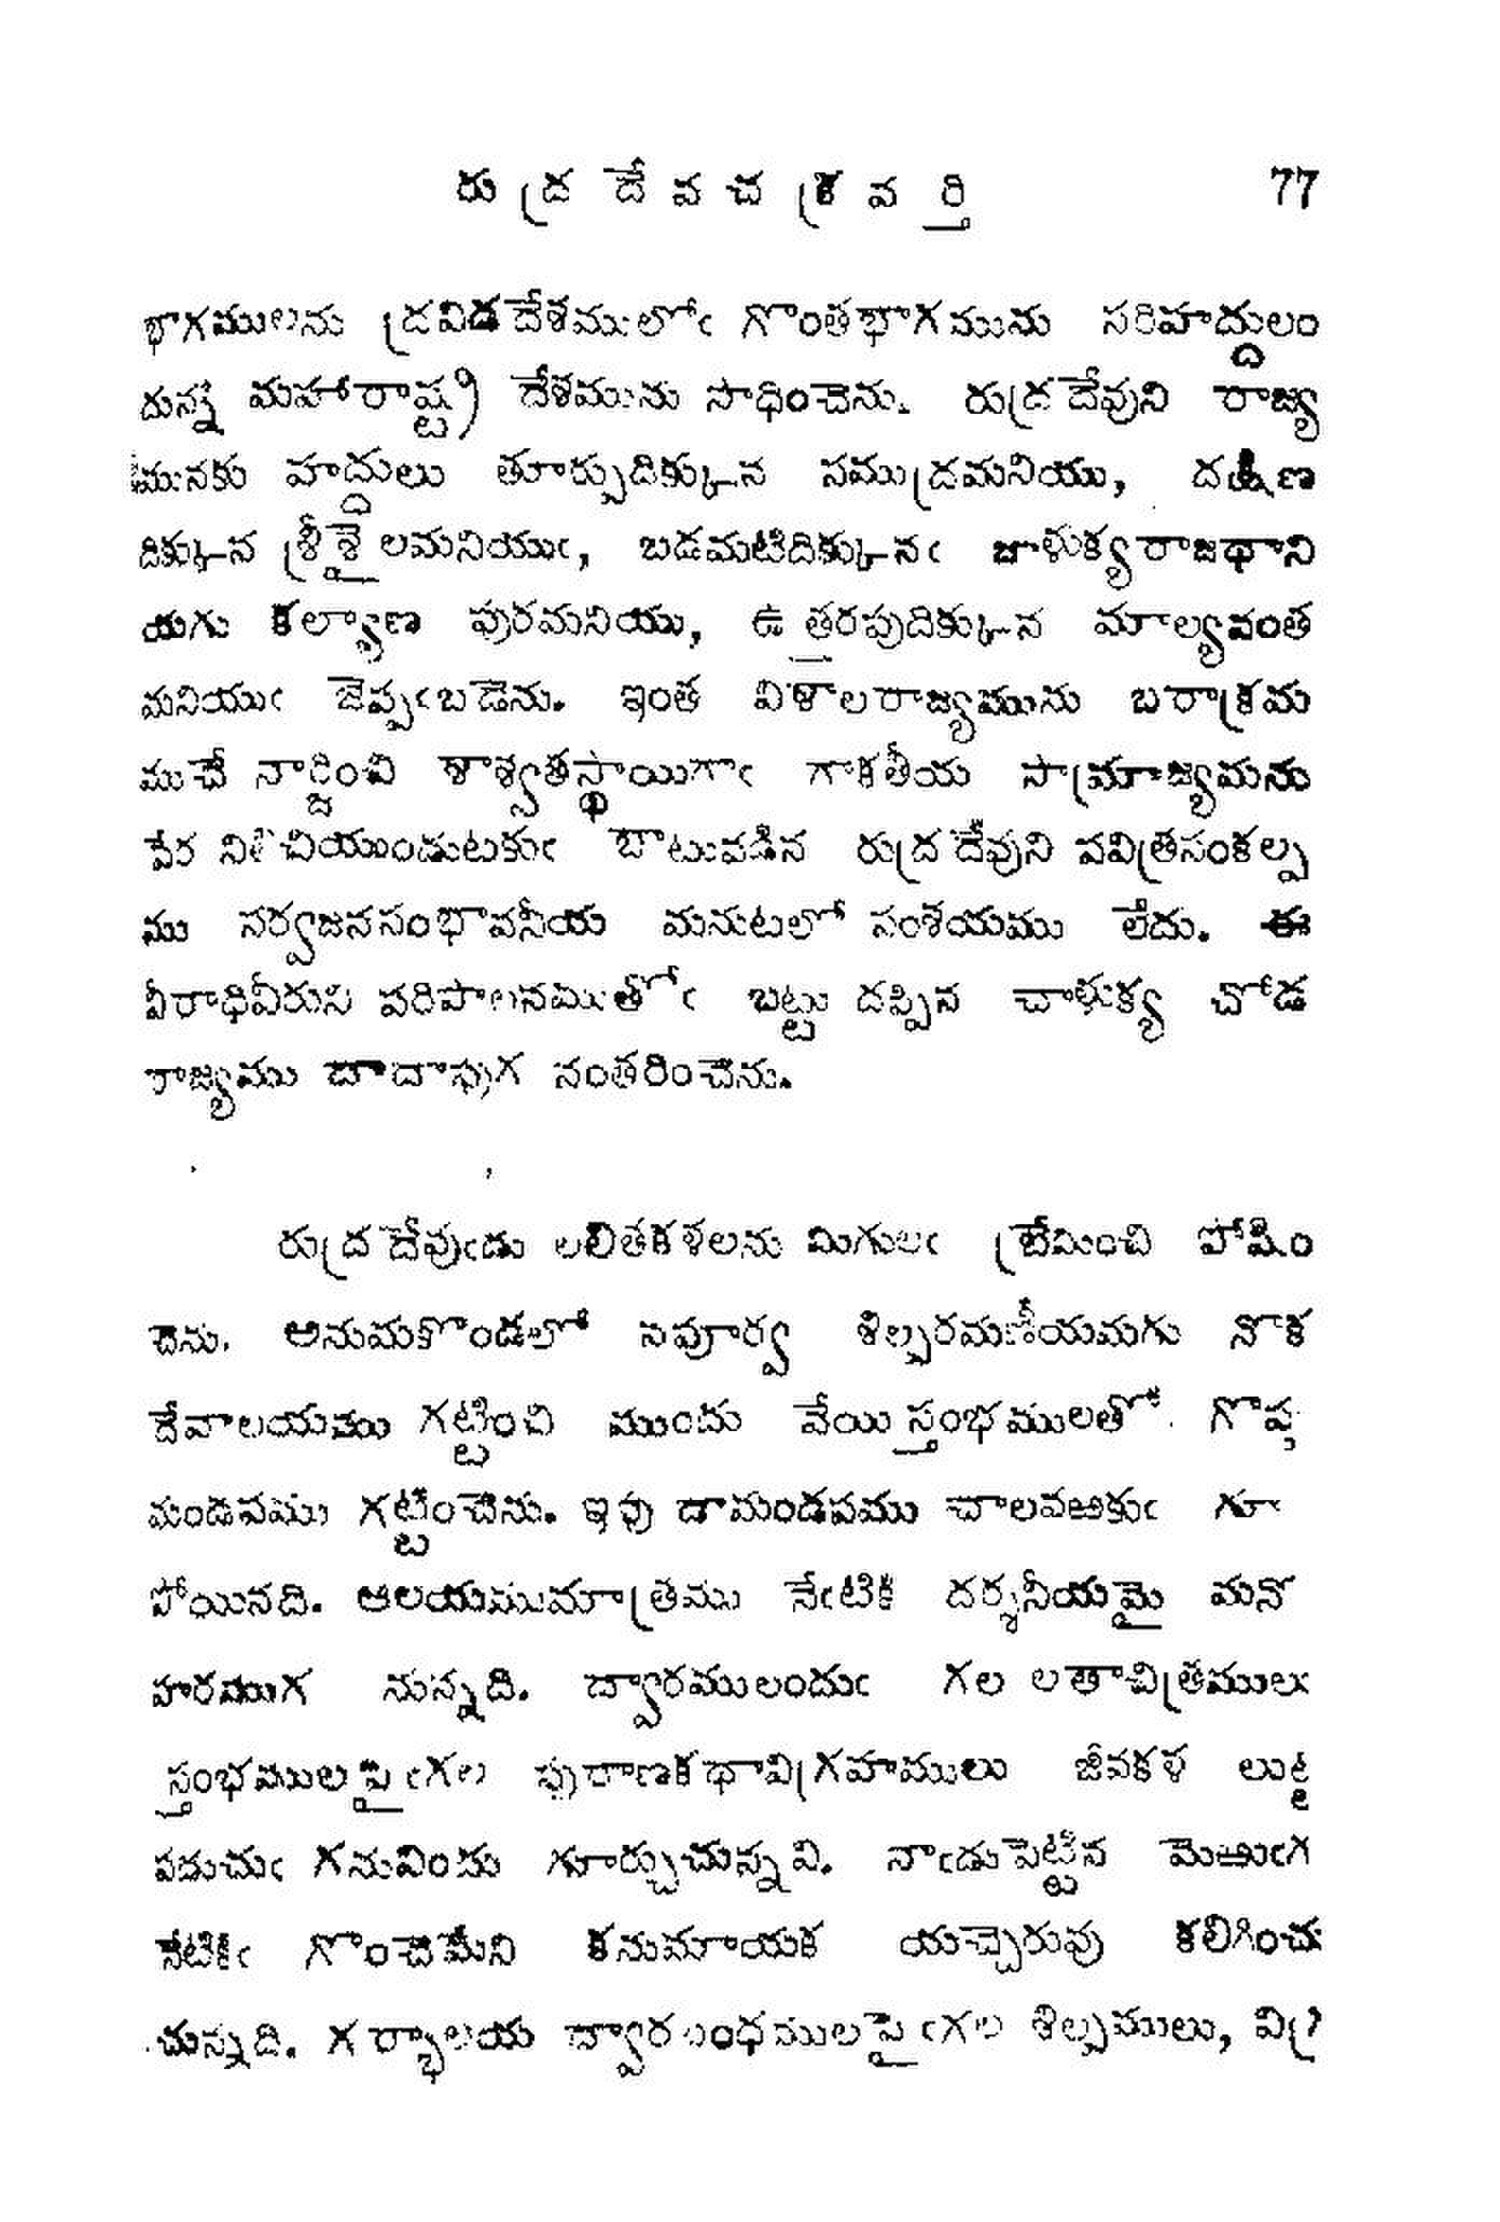భాగములను ద్రవిడదేశములో గొంతభాగమును సరిహద్దులందున్న మహారాష్ట్రదేశమును సాధించెను. రుద్రదేవుని రాజ్యమునకు హద్దులు తూర్పుదిక్కున సముద్రమనియు, దక్షిణదిక్కున శ్రీశైలమనియు, బడమటిదిక్కున జాళుక్యరాజథాని యగు కల్యాణపురమనియు, ఉత్తరపుదిక్కున మాల్యవంతమనియు జెప్పబడెను. ఇంత విశాలరాజ్యమును బరాక్రమముచే నార్ఝించి శాశ్వతస్థాయిగా గాకతీయ సామ్రాజ్యమను పేర నిలిచియుండుటకు బాటుపడిన రుద్రదేవుని పవిత్రసంకల్పము సర్వజనసంభావనీయ మనుటలో సంశయము లేదు. ఈ వీరాధివీరుని పరిపాలనముతో బట్టు దప్పిన చాళుక్య చోడ రాజ్యము దాదాపుగ నంతరించెను.

రుద్రదేవుడు లలితకళలను మిగుల బ్రేమించి పోషించెను. అనుమకొండలో నపూర్వ శిల్పరమణీయమగు నొక దేవాలయము గట్టించి ముందు వేయిస్తంభములతో గొప్ప మండపము గట్టించెను. ఇపు డామండపము చాలవఱకు గూలి పోయినది. ఆలయముమాత్రము నేటికి దర్శనీయమై మనోహరముగ నున్నది. ద్వారములందు గల లతాచిత్రములు స్తంభములపై గల పురాణకథావిగ్రహములు జీవకళ లుట్టి పడుచు గనువిందు గూర్చుచున్నవి. నాడుపెట్టిన మెఱుగు నేటికి గొంచెమేని కనుమాయక యచ్చెరువు కలిగించుచున్నది. గర్భాలయ ద్వారబంధములపైగల శిల్పములు, విగ్ర